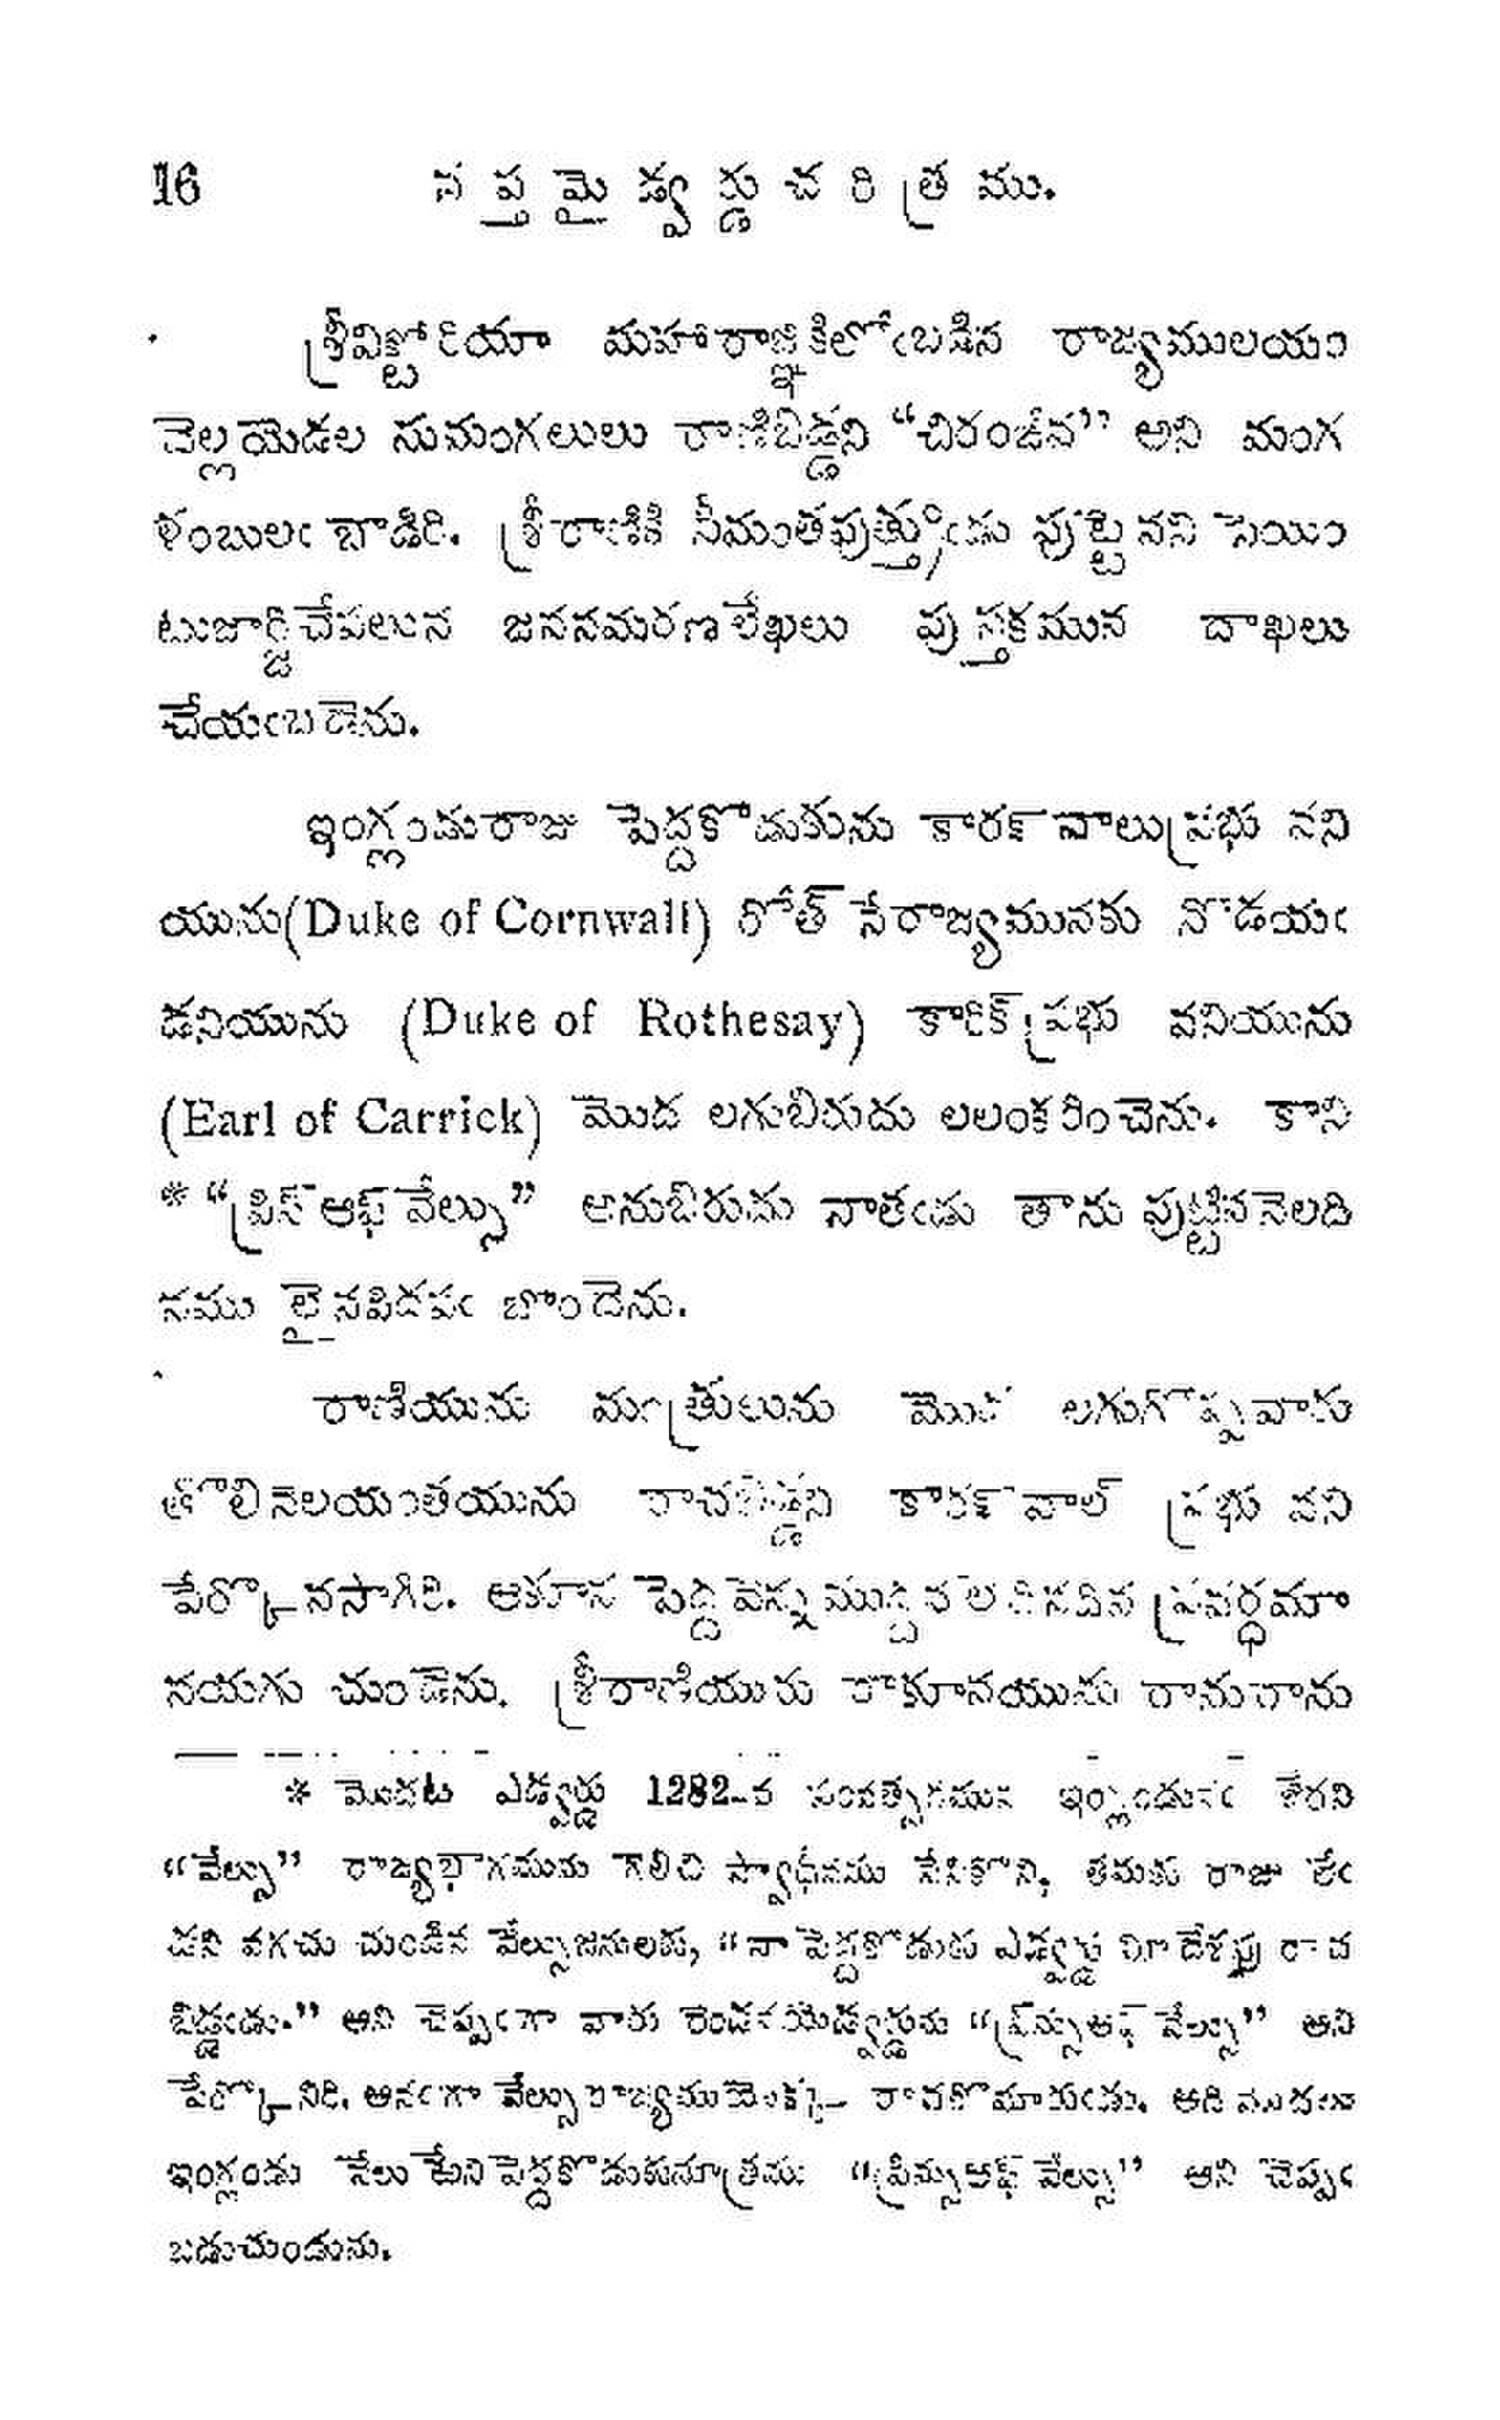శ్రీ విక్టోరియా మహారాణి కి లో బడిన రాజ్యములయం చెల్ల యెడల సుమంగలులు రాశిబిడ్డని “చిరంజవ " అని మంగళంబులఁ బాడీ. శ్రీరాణికి సీమం తపుత్రుడు పుట్టెనని సెయిం
టుజార్జి చేపలున జనసమరణ లేఖలు పుస్తకమున దాఖలుచేయఁబడెను.

ఇంగ్లండు రాజు పెద్దకొడుకును కారన్ వాలుప్రభు ననియును(Duke of Cornwall) రోత్ సే రాజ్యమునకు నొడయఁజనియును (Duke of Rothesay) కారిక్ ప్రభు వనియును
(Earl of Cartick) మొద లగుబిరుదు లలంక రించెను. కాని * * ప్రిస్ ఆఫ్ వేల్సు" అను బి.రుదు నాతఁడు తాను పుట్టిన నెలదిసము లైన పిదప బొందెను.

రాణియును మంత్రులును మొదలగుగొప్పన వారు తొలి నెలయంతయును గాని కాక నాల్ ప్రభు వనీ
పేర్కొనసాగిరి. ఆకూన పెట్టి వెన్నముద్దవలె దిన దిన ప్రవర్ధమాసయగు చుండెను. శ్రీరాణీయును కాకూనయును రాను రాను
..............................................................................................
•